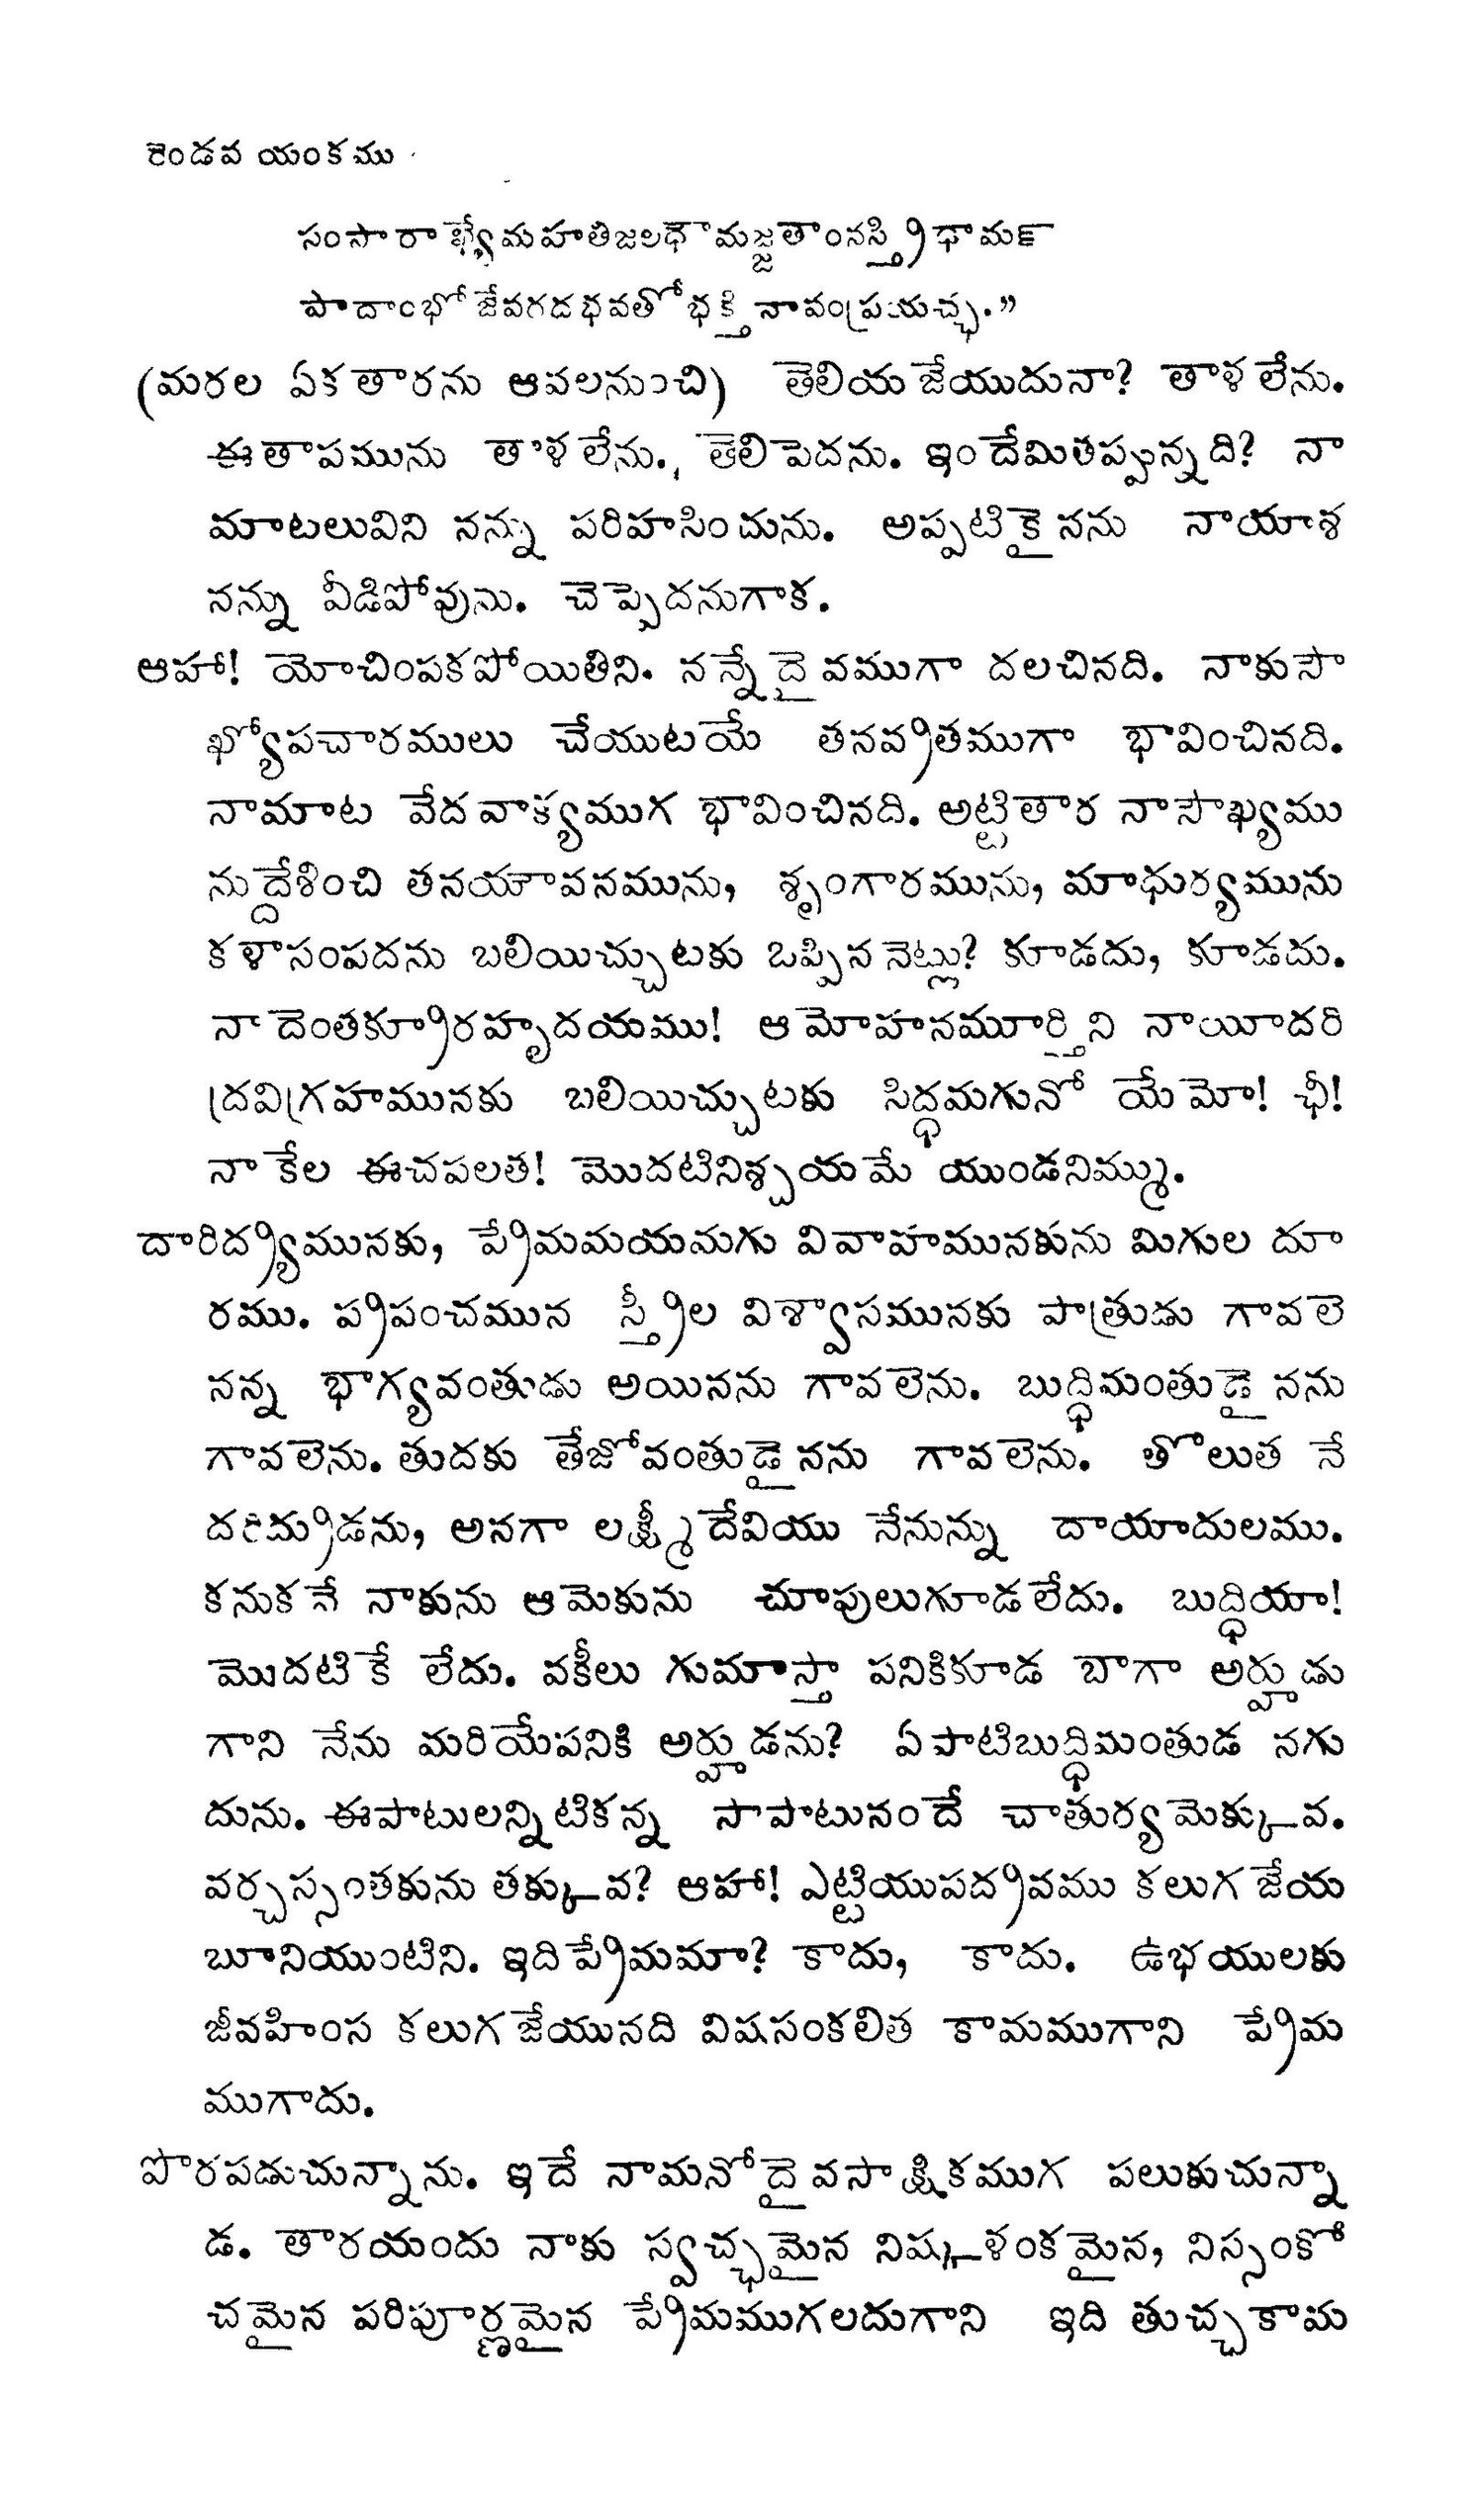సంసారా భ్యేమహతి జలధౌ "మజ్జతాంనస్త్రి దామక్
పాదాంభో జీవగడ భవతో భక్తి నావంప్ర కుచ్ఛ. "

(మరల ఏక తారను ఆవలనుంచి) తెలియ జేయుదునా? తాళ లేను.
ఈ తాపమును తా'ళ లేను. తెలి పెదను. ఇం దేమి తప్పున్నది? నా
మాటలువిని నన్న పరిహసించును. అప్పటి కైనను నాయాశ
నన్ను వీడిపోవును. చెప్పెదనుగాక.

ఆహా! యోచింపకపోయితిని. నన్నే దైవముగా దలచినది. నాకు సౌ
ఖ్యోపచారములు చేయుటయే తనవంతముగా భావించినది.
నామాట వేద వాక్యముగ భావించినది. అట్టితార నాసౌఖ్యము
నుద్దేశించి తనయావనమును, శృంగారమును, మాధుర్యమును
కళాసంపదను బలియిచ్చుటకు ఒప్పిన నెట్లు? కూడదు, కూడదు.
నా దెంత కూర హృదయము! ఆ మోహనమూర్తి ని నాయీదరి
ద్రవిగ్రహమునకు బలియిచ్చుటకు సిద్ధమగునో యేమో! ఛీ!
నా కేల ఈచపలత! 'మొదటి నిశ్చయమే యుండనిమ్ము.
దారిద్యమునకు, ప్రేమమయనుగు వివాహమునకును మిగుల దూ
రము. ప్రపంచమున స్త్రీల విశ్వాసమునకు పాత్రుడు గావలె
నన్న భాగ్యవంతుడు అయినను గావలెను. బుద్ధిమంతుడై నను
గావలెను. తుదకు తేజోవంతుడై నను గావలెను. తొలుత నే
దరిద్రుడను, అనగా లక్ష్మీ దేవియు నేనున్ను దాయాదులము.
కనుకనే నాకును ఆమెకును చూపులుగూడ లేదు. బుద్ధియా!
మొదటికే లేదు. వకీలు గుమాస్తా పనికికూడ బాగా అర్హుడు
గాని నేను మరి యేపనికి అర్హుడను? ఏ పాటి బుద్ధిమంతుడ నగు
దును. ఈపాటులన్ని టికన్న సాపాటునందే చాతుర్య మెక్కువ.
వర్చస్సంతకును తక్కువ? ఆహా! ఎట్టియుపదవము కలుగ జేయ
బూనియుంటిని. ఇది ప్రేమమా? కాదు, కాదు. ఉభయులకు
జీవహింస కలుగ జేయునది విష సంకలిత కామముగాని ప్రేమ
ముగాదు.

పొరపడుచున్నాను. ఇదే నామనోదైవసాక్షికముగ పలుకుచున్నా
డ. తారయందు నాకు స్వచ్ఛమైన నిష్కళంకమైన, నిస్సంకో
చమైన పరిపూర్ణమైన పేమముగలదుగాని ఇది తుచ్చకామ